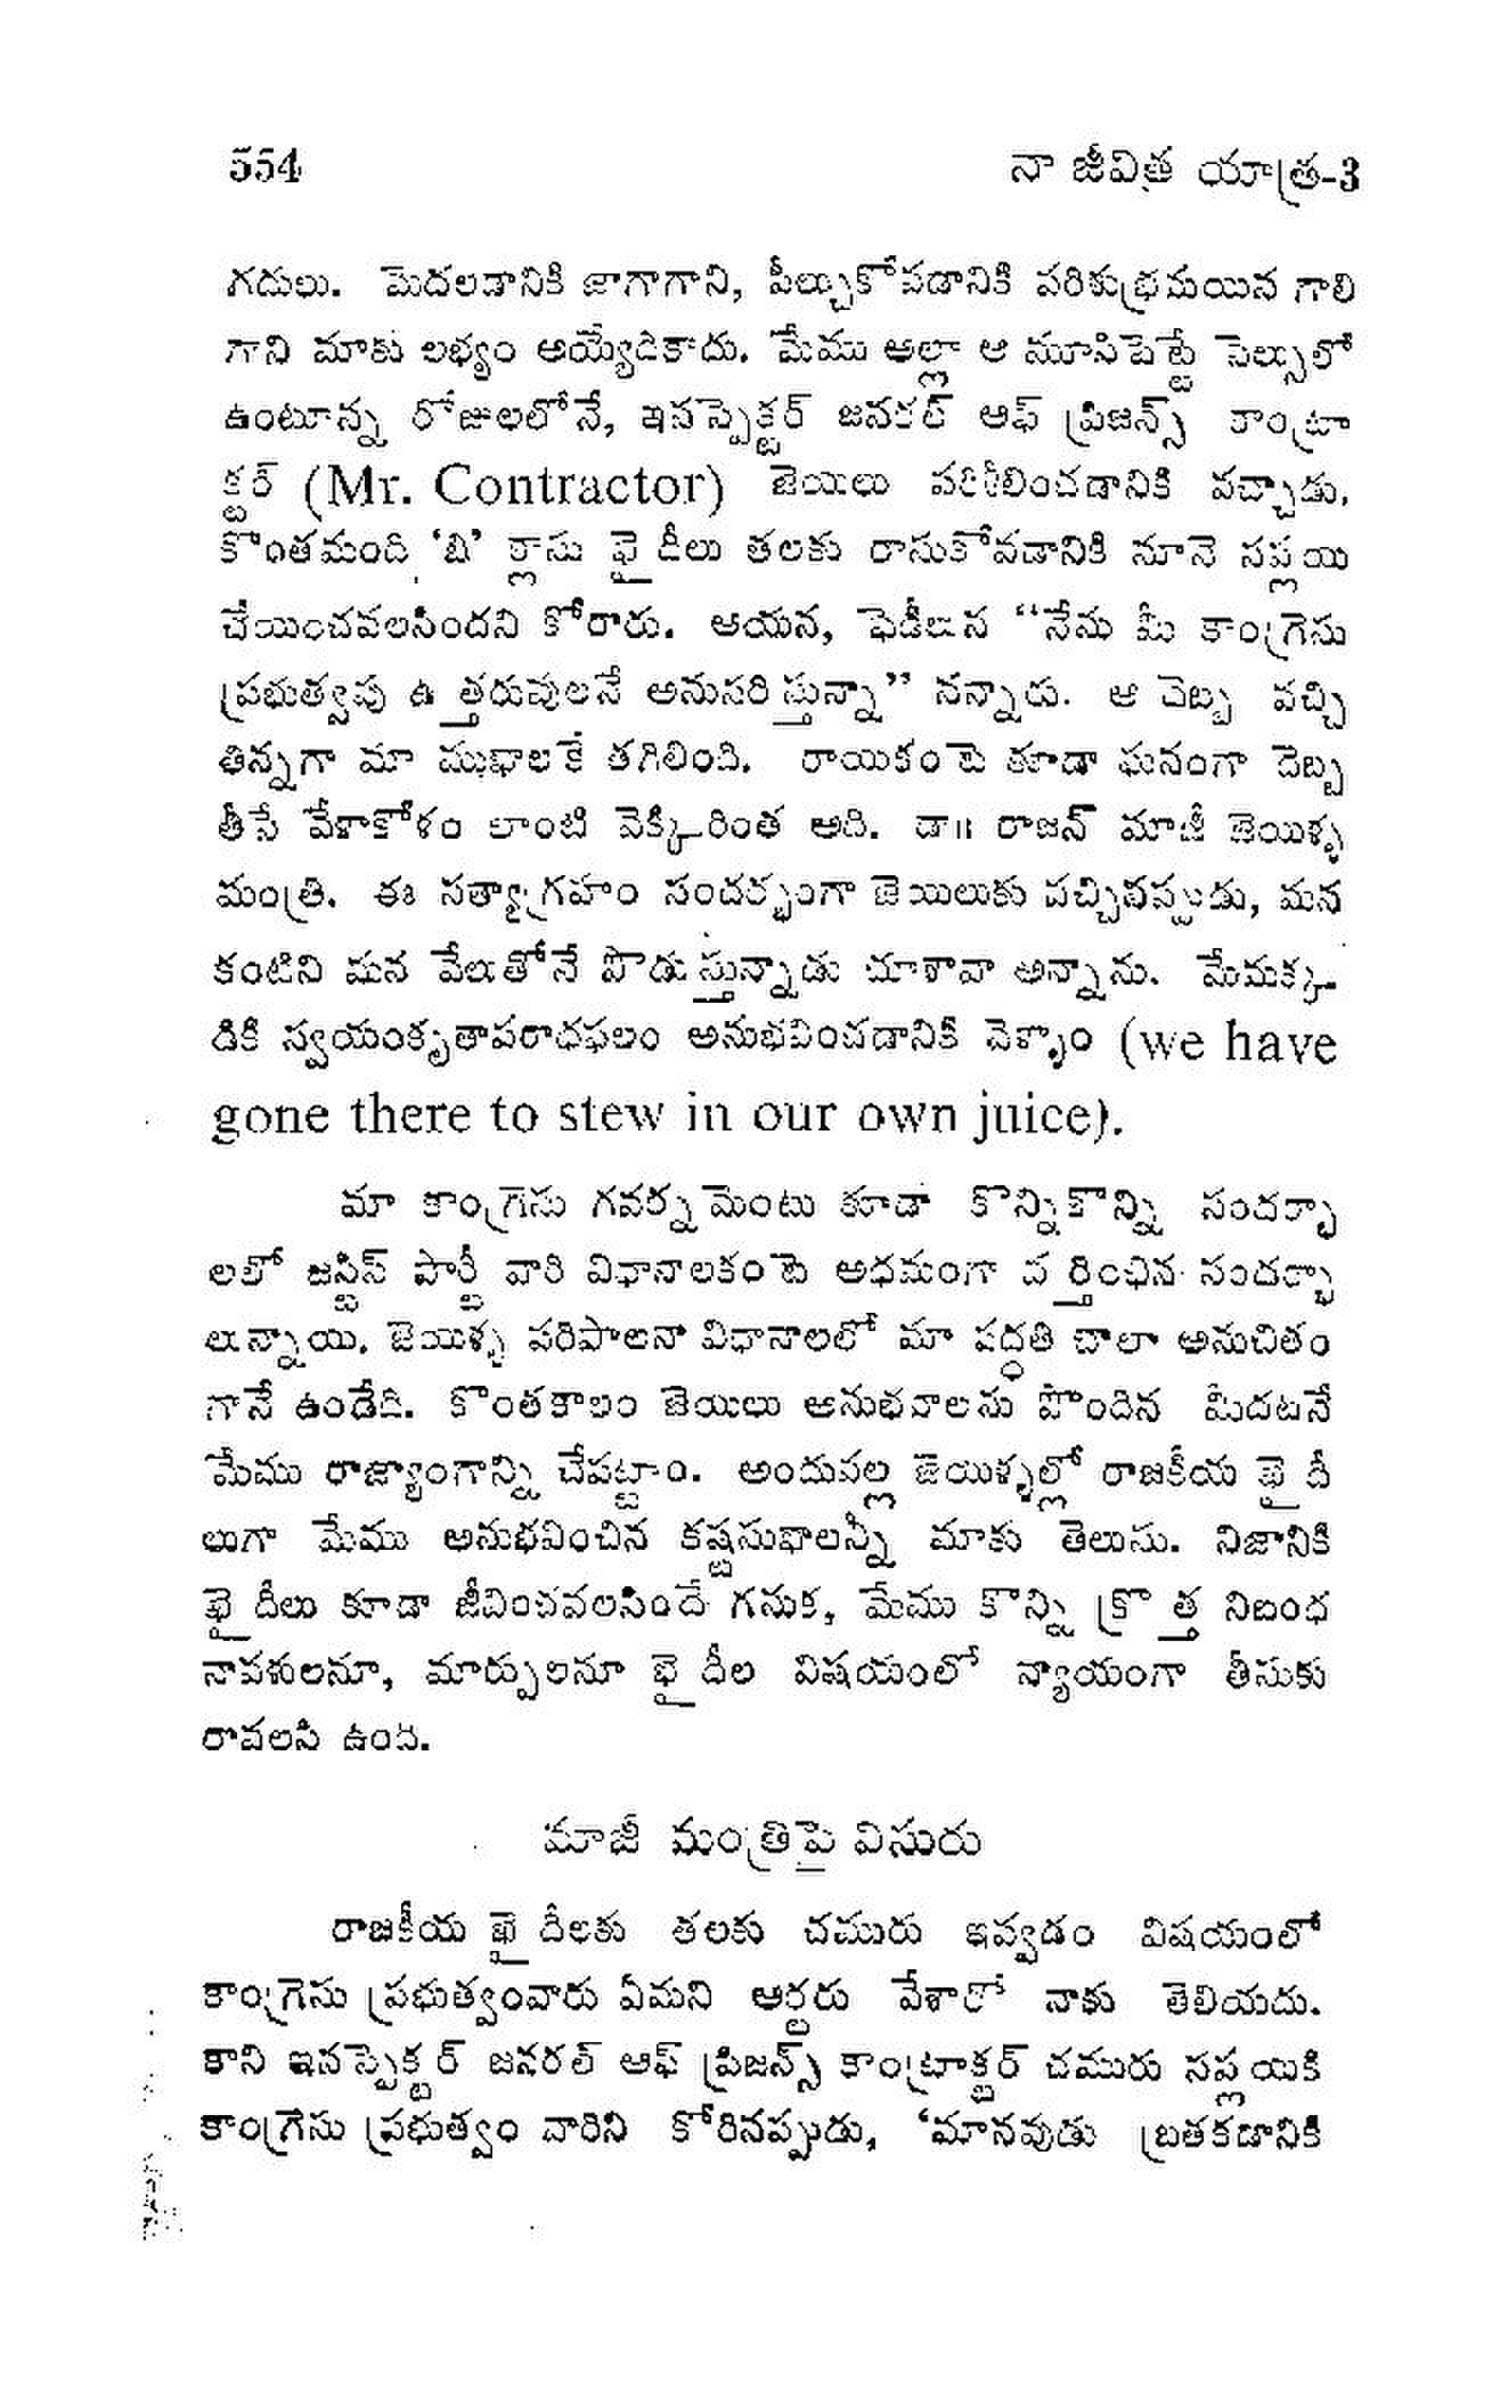గదులు. మెదలడానికి జాగాగాని, పీల్చుకోవడానికి పరిశుభ్రమయిన గాలిగాని మాకు లభ్యం అయ్యేదికాదు. మేము అల్లా ఆ మూసిపెట్టే సెల్సులో ఉంటూన్న రోజులలోనే, ఇనస్పెక్టర్ జనరల్ ఆఫ్ ప్రిజన్స్ కాంట్రాక్టర్ (Mr. Contractor) జెయిలు పరిశీలించడానికి వచ్చాడు. కొంతమంది 'బి' క్లాసు ఖైదీలు తలకు రాసుకోవడానికి నూనె సప్లయి చేయించవలసిందని కోరారు. ఆయన, పెడీలున "నేను మీ కాంగ్రెసు ప్రభుత్వపు ఉత్తరువులనే అనుసరిస్తున్నా" నన్నారు. ఆ దెబ్బ వచ్చి తిన్నగా మా ముఖాలకే తగిలింది. రాయికంటె కూడా ఘనంగా దెబ్బతీసే వేళాకోళం లాంటి వెక్కిరింత అది. డా॥ రాజన్ మాజీ జెయిళ్ళ మంత్రి. ఈ సత్యాగ్రహం సందర్భంగా జెయిలుకు వచ్చినప్పుడు, మన కంటిని మన వేలుతోనే పొడుస్తున్నాడు. చూశావా అన్నాను. మేమక్కడికి స్వయంకృతాపరాధఫలం అనుభవించడానికి వెళ్ళాం (We have gone there to stew in our own Juice). 

మా కాంగ్రెసు గవర్నమెంటు కూడా కొన్నికొన్ని సందర్భాలలో జస్టిస్ పార్టీ వారి విధానాల కంటె అధమంగా వర్తించిన సందర్భాలున్నాయి. జెయిళ్ళ పరిపాలనా విధానాలలో మా పద్ధతి చాలా అనుచితంగానే ఉండేది. కొంతకాలం జెయిలు అనుభవాలను పొందిన మీదటనే మేము రాజ్యాంగాన్ని చేపట్టాం. అందువల్ల జెయిళ్ళల్లో రాజకీయ ఖైదీలుగా మేము అనుభవించిన కష్టసుఖాలన్నీ మాకు తెలుసు. నిజానికి ఖైదీలు కూడా జీవించవలసిందే గనుక, మేము కొన్ని క్రొత్త నిబంధనావళులనూ, మార్పులనూ ఖైదీల విషయంలో న్యాయంగా తీసుకు రావలసి ఉంది.

రాజకీయ ఖైదీలకు తలకు చమురు ఇవ్వడం విషయంలో కాంగ్రెసు ప్రభుత్వంవారు ఏమని ఆర్డరు వేశారో నాకు తెలియదు. కాని ఇనస్పెక్టర్ జనరల్ ఆఫ్ ప్రిజన్స్ కాంట్రాక్టర్ చమురు సప్లయికి కాంగ్రెసు ప్రభుత్వం వారిని కోరినప్పుడు, 'మానవుడు బ్రతకడానికి